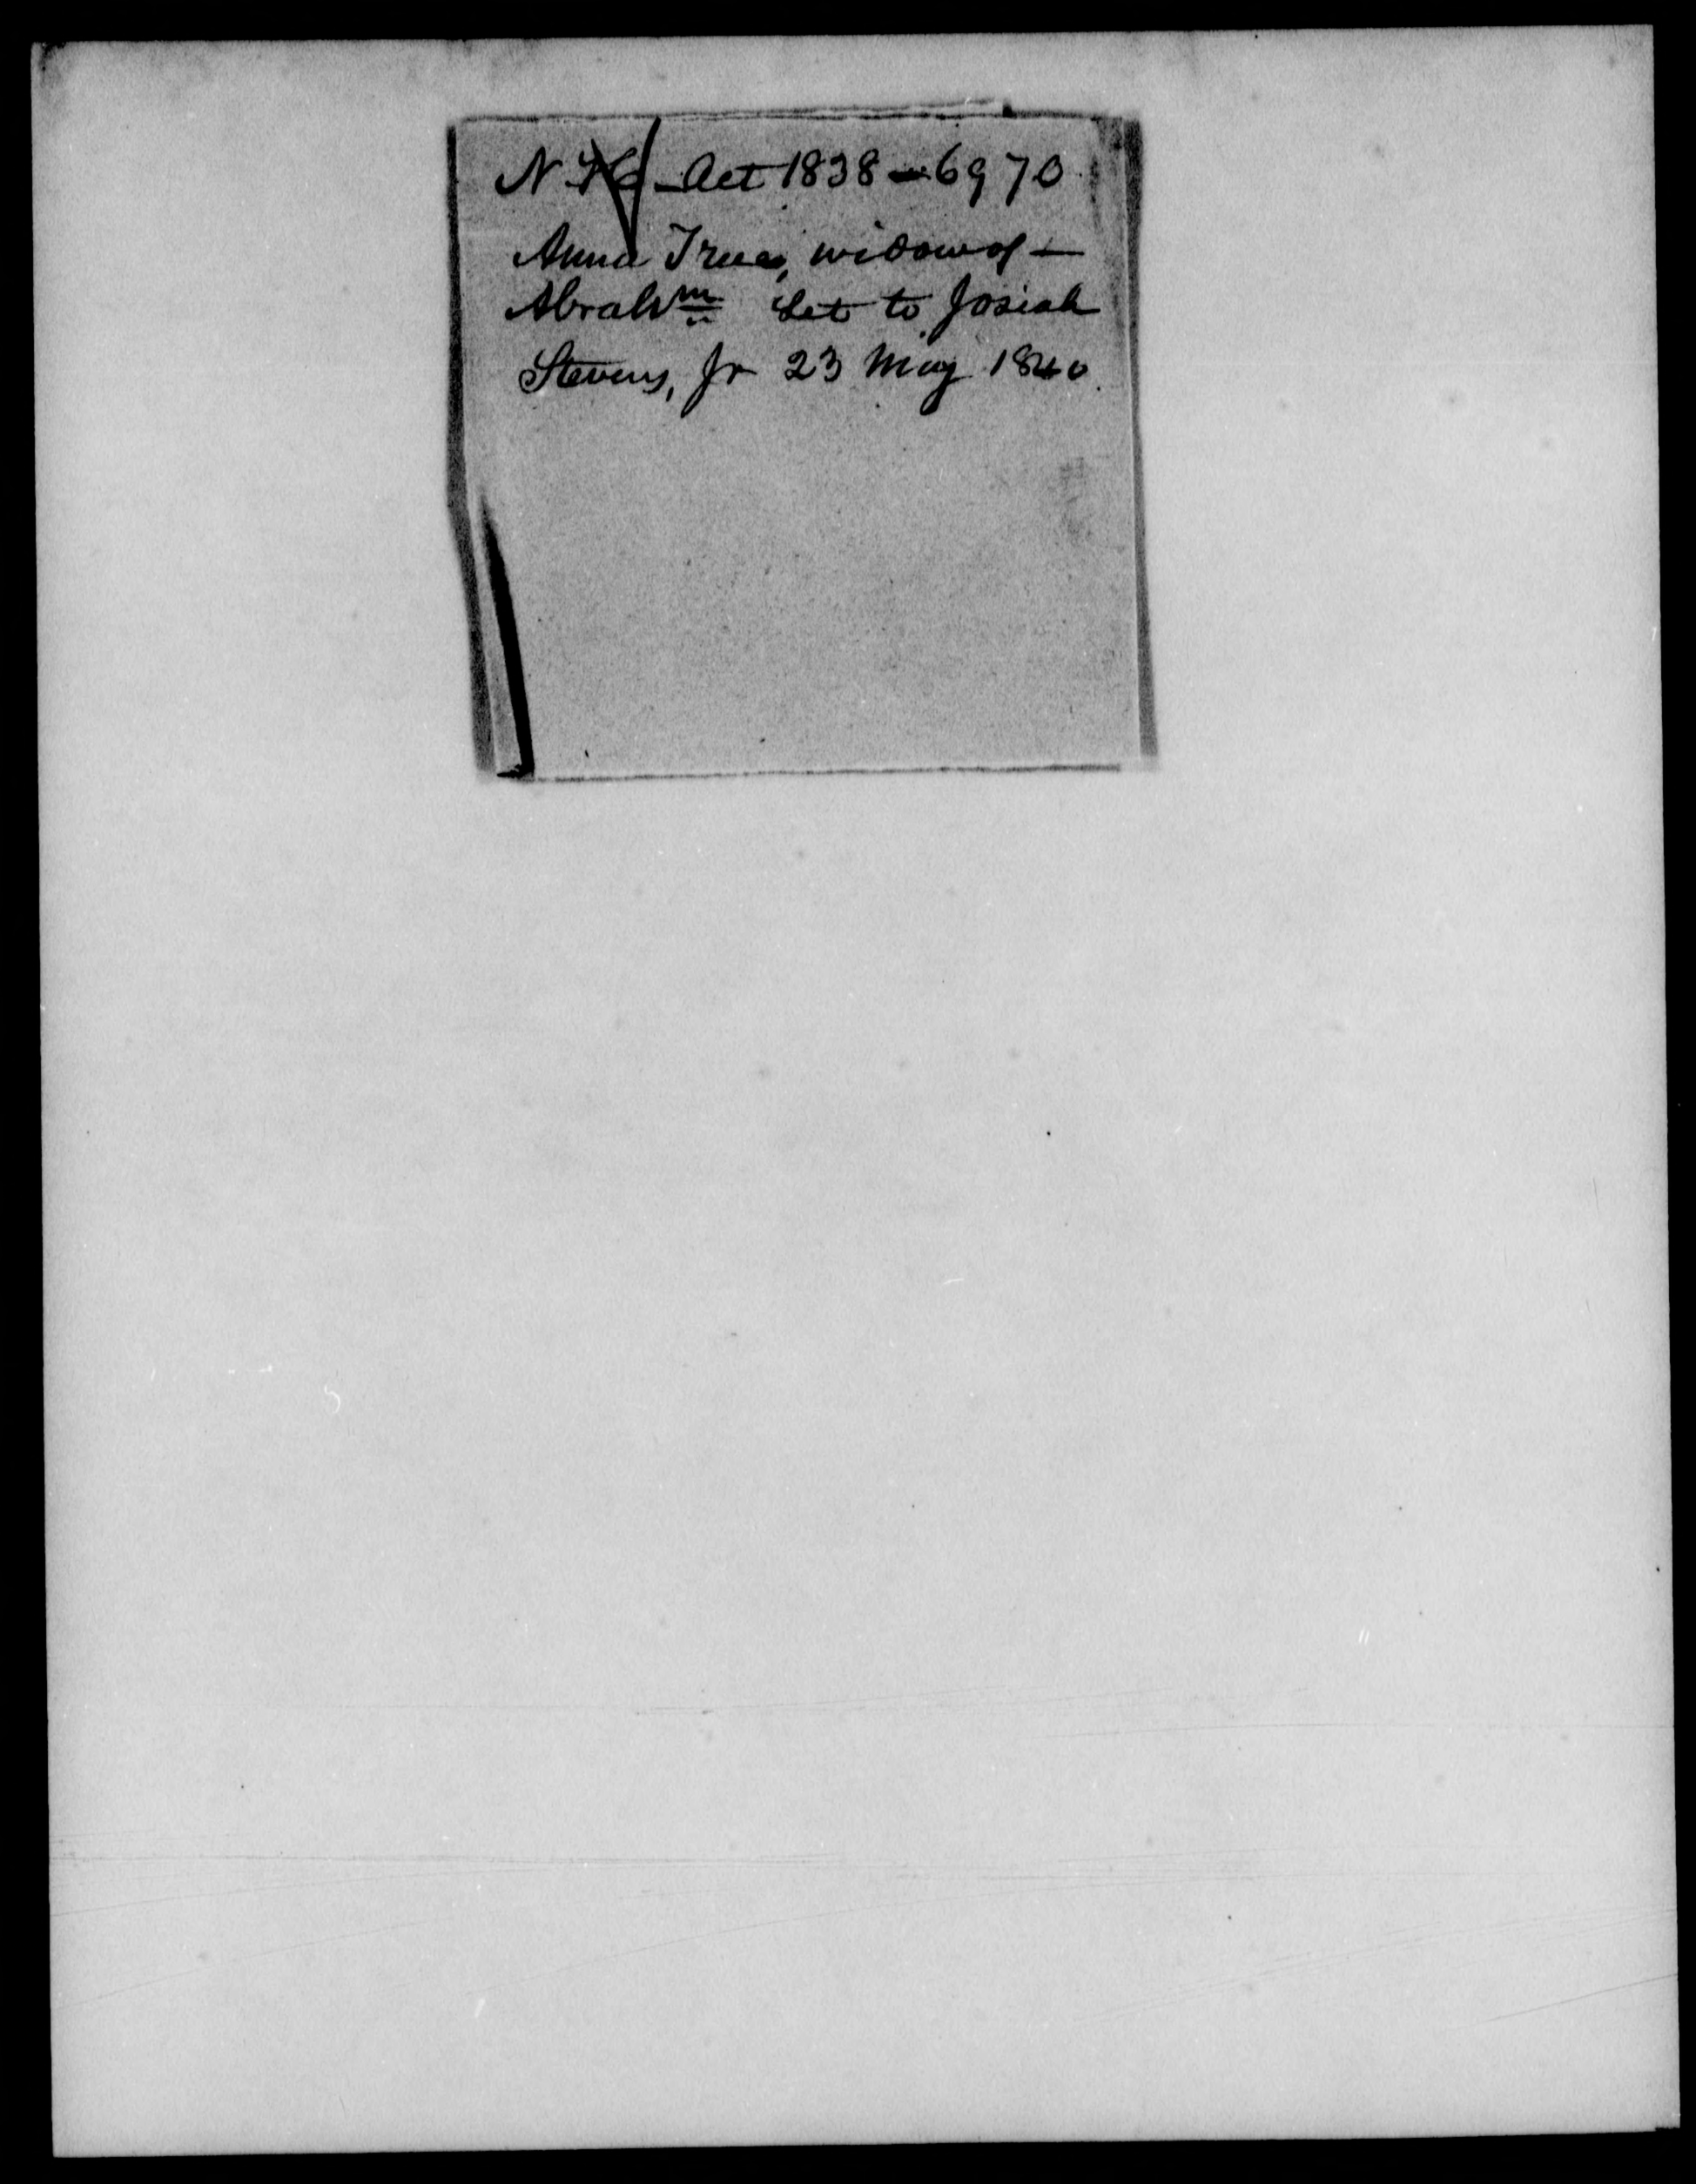NH Act 1939-6970

Anna True, widowed--Abraham 
Let to Josiah Stevens, Jr 23 May, 1860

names: Anna True, Josiah Stevens, Abrahm True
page: 11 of 24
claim: widow's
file: W. 16,451, Abraham True, N.H.